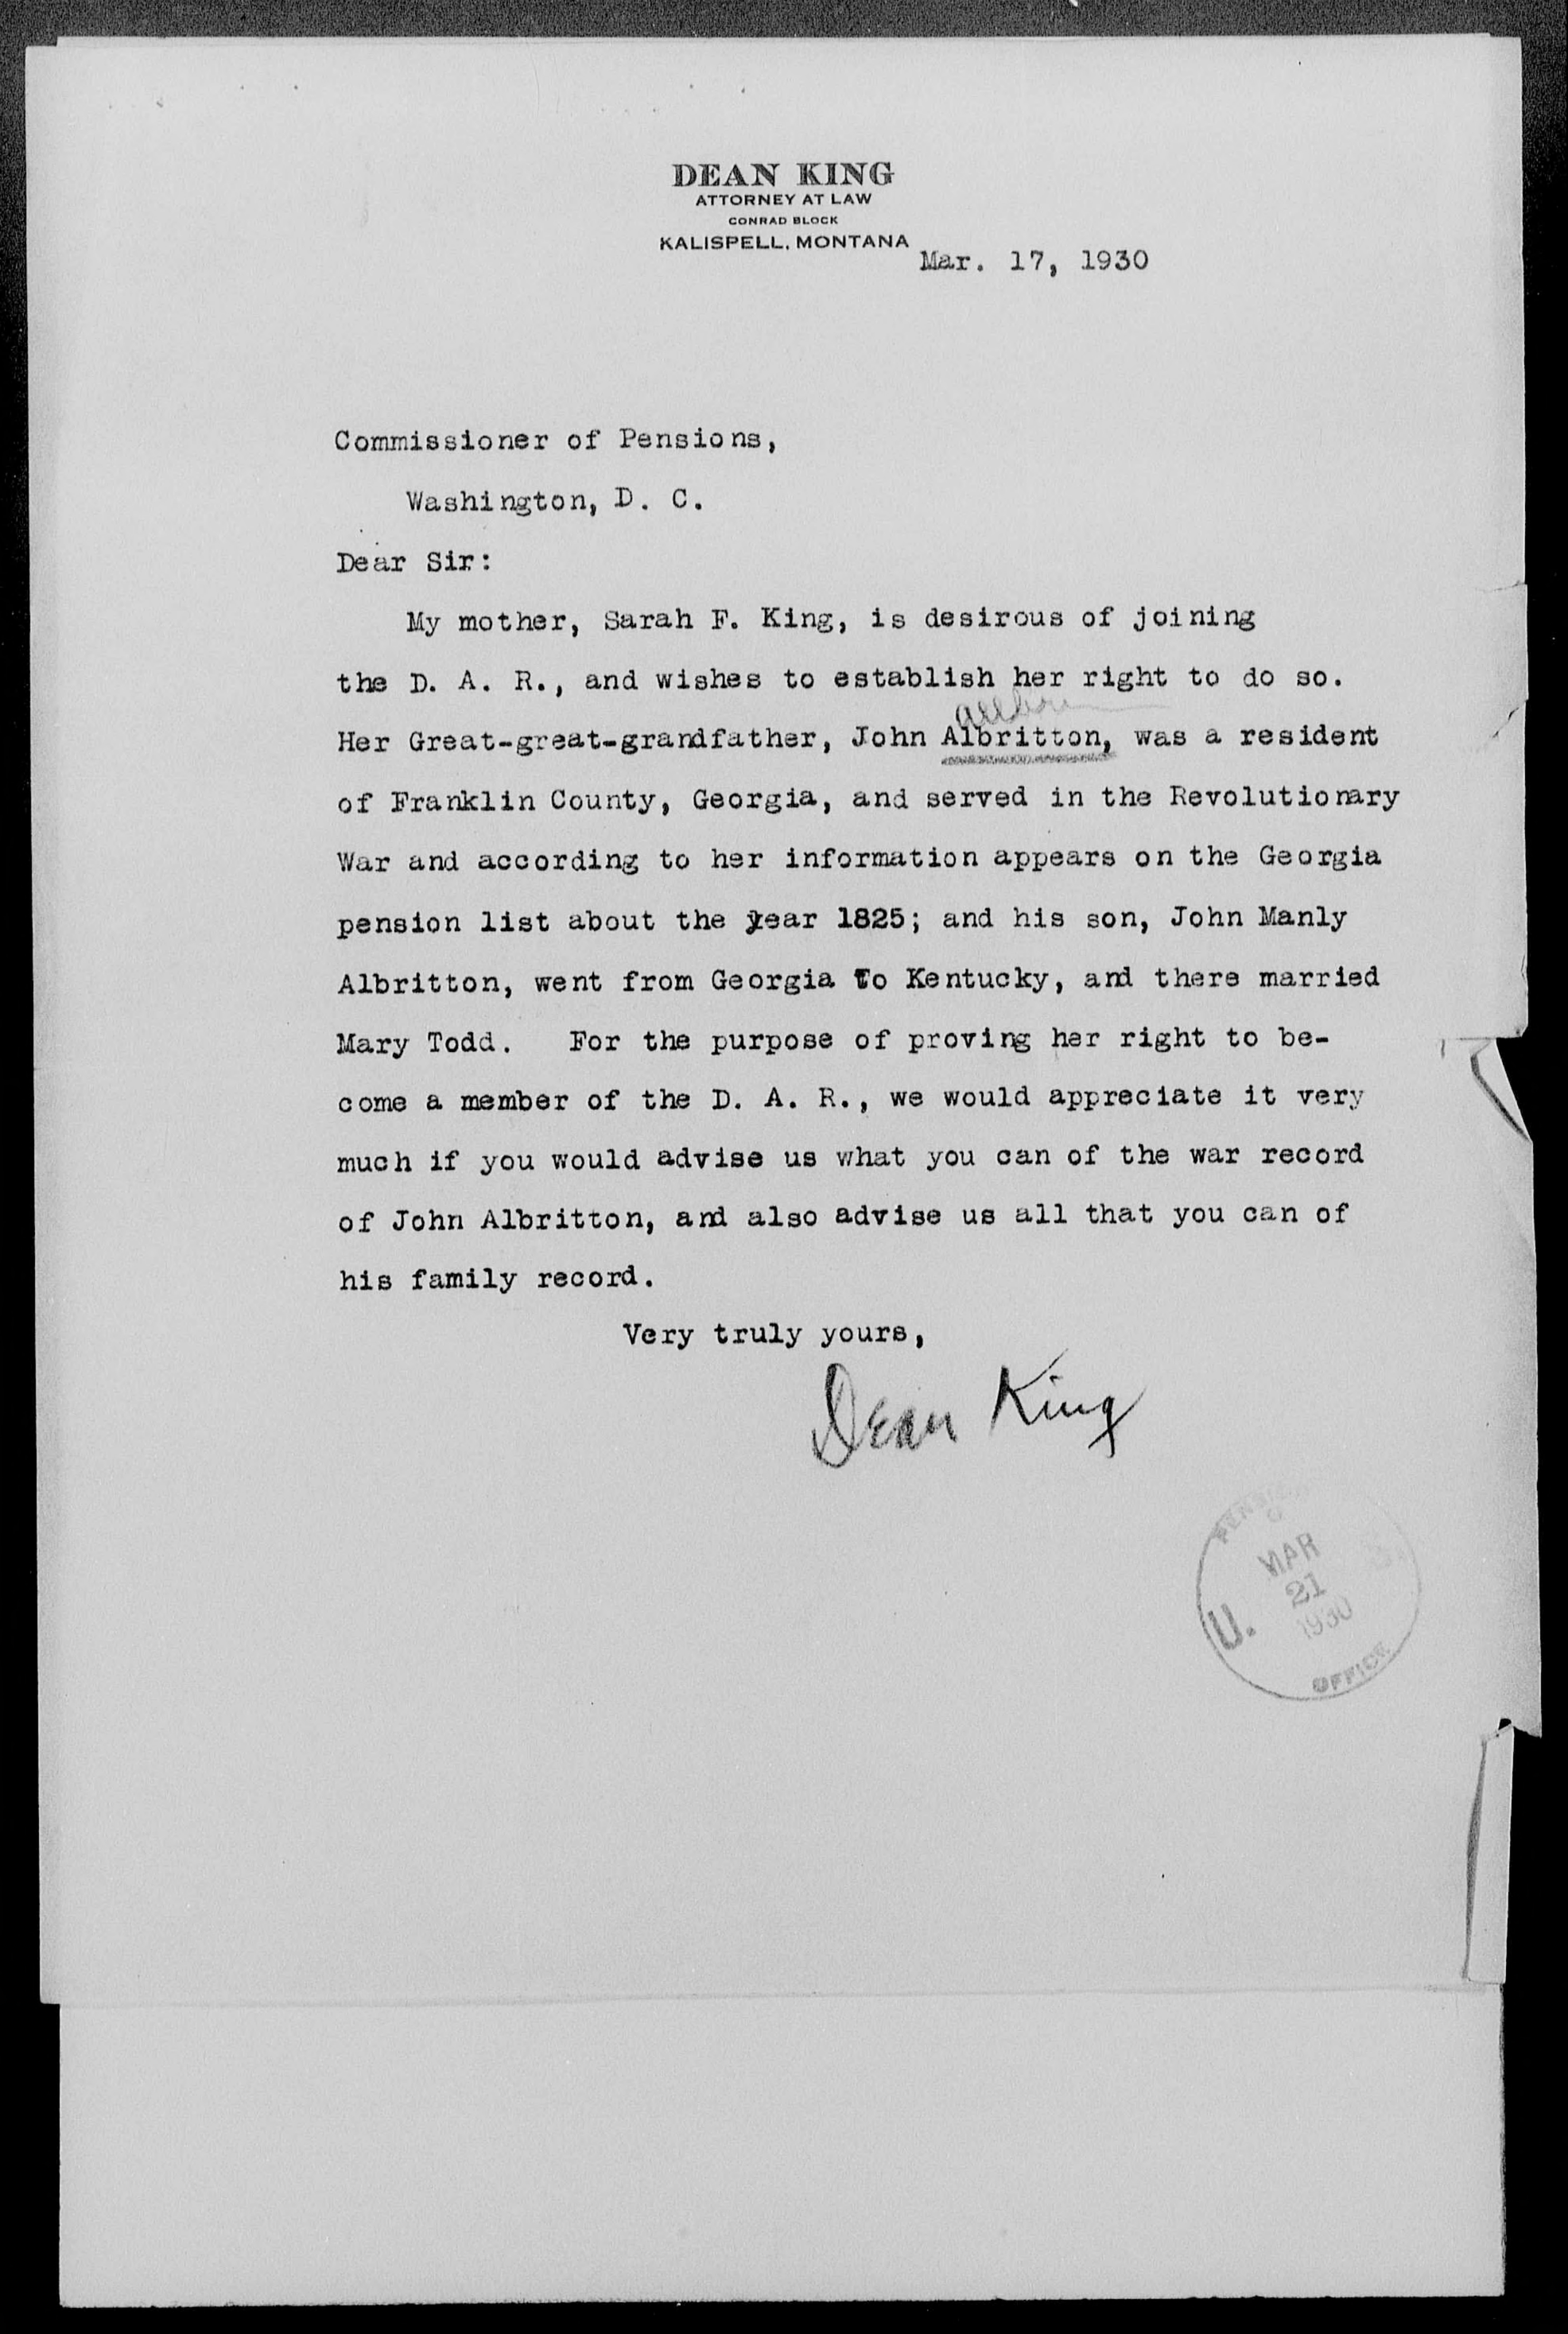DEAN KING
ATTORNEY AT LAW
CONRAD BLOCK
KALISPELL, MONTANA
Mar. 17, 1930
Commissioner of Pensions,
Washington, D. C.
Dear Sir: 
My mother, Sarah F. King, is desirous of joining the D. A. R., and wishes to establish her right to do so. Her Great-great-grandfather, John Albritton, [Allbritton hand-written above the name] was a resident of Franklin County, Georgia, and served in the Revolutionary War and according to her information appears on the Georgia pension list about the year 1825; and his son, John Manly Albritton, went from Georgia to Kentucky, and there married Mary Todd. For the purpose of proving her right to become a member of the D. A. R., we would appreciate it very much if you would advise us what you can of the war record of John Albritton, and also advise us all that you can of his family record.
Very truly yours,
Dean King
[date stamp U. S. Pensions Office Mar 21 1930]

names: John Albritton, John Manly Albritton, John Allborn, Sarah F King, John Albritton, Dean King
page: 21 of 22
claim: survivor's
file: S. 31,517, John Allbritton, S.C.